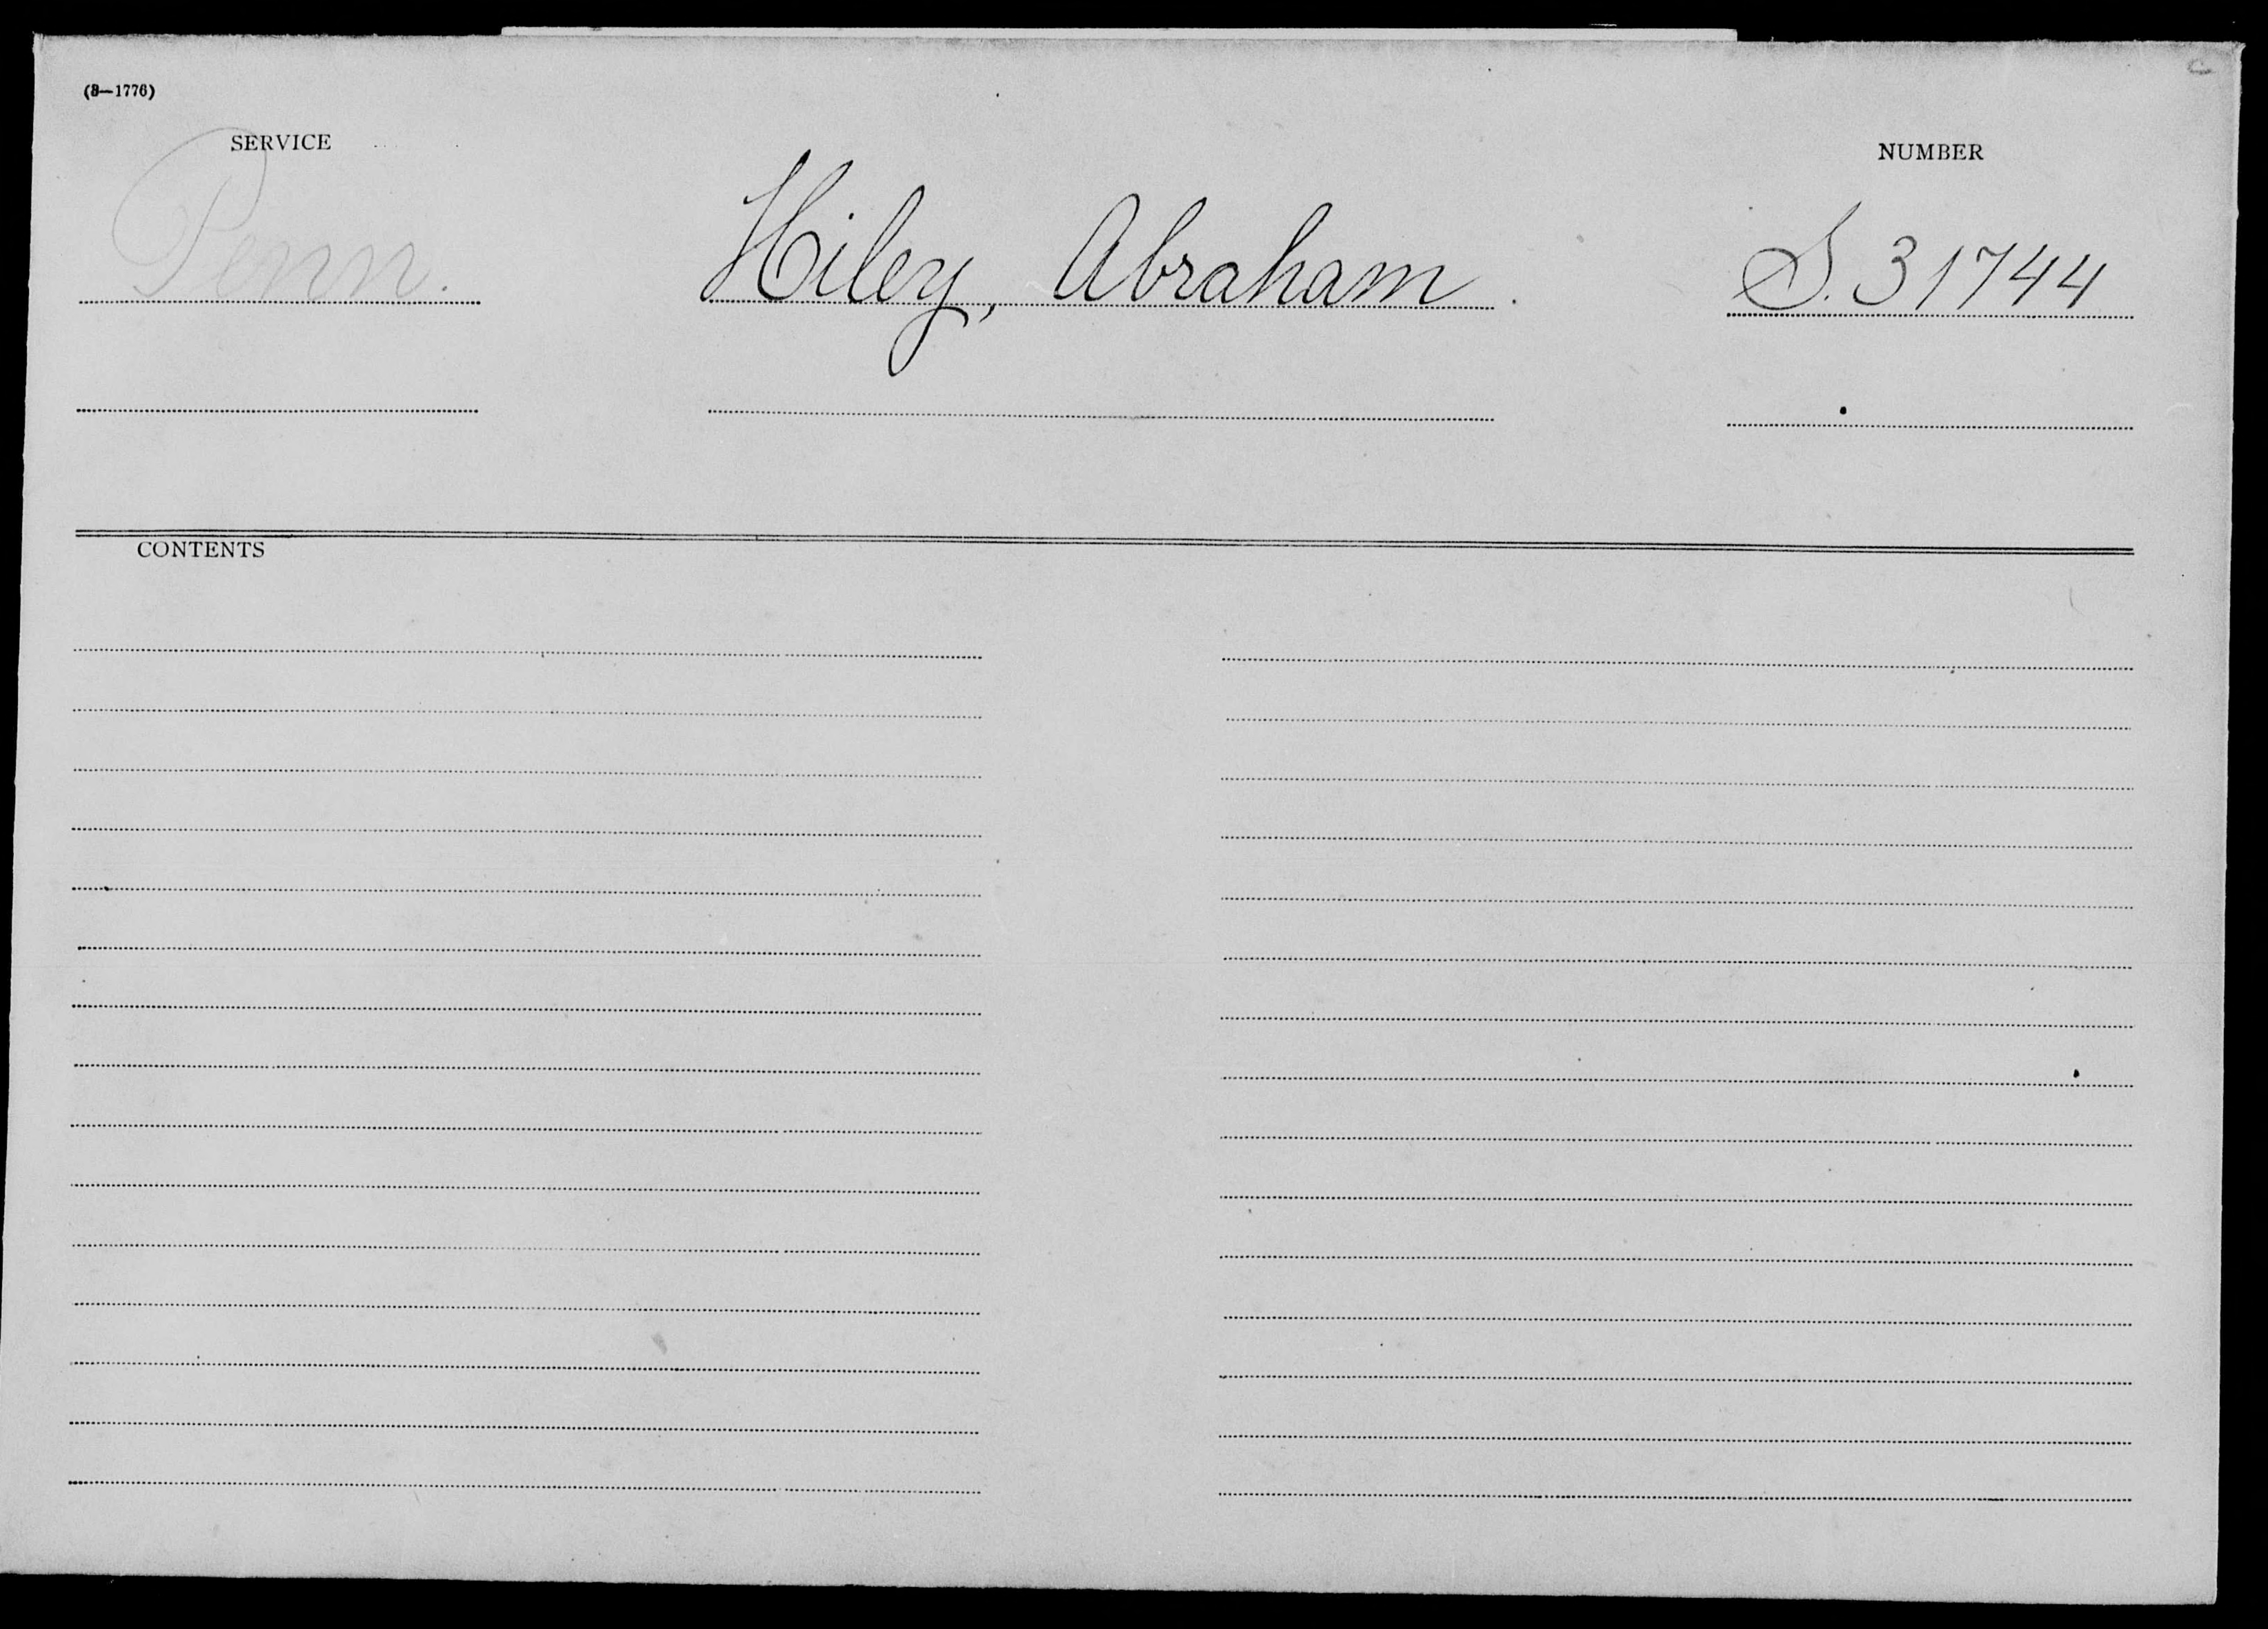SERVICE Penn.
Hiley, Abraham
NUMBER S31744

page: 1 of 18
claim: survivor's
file: S. 31744, Abraham Hiley, Penn.